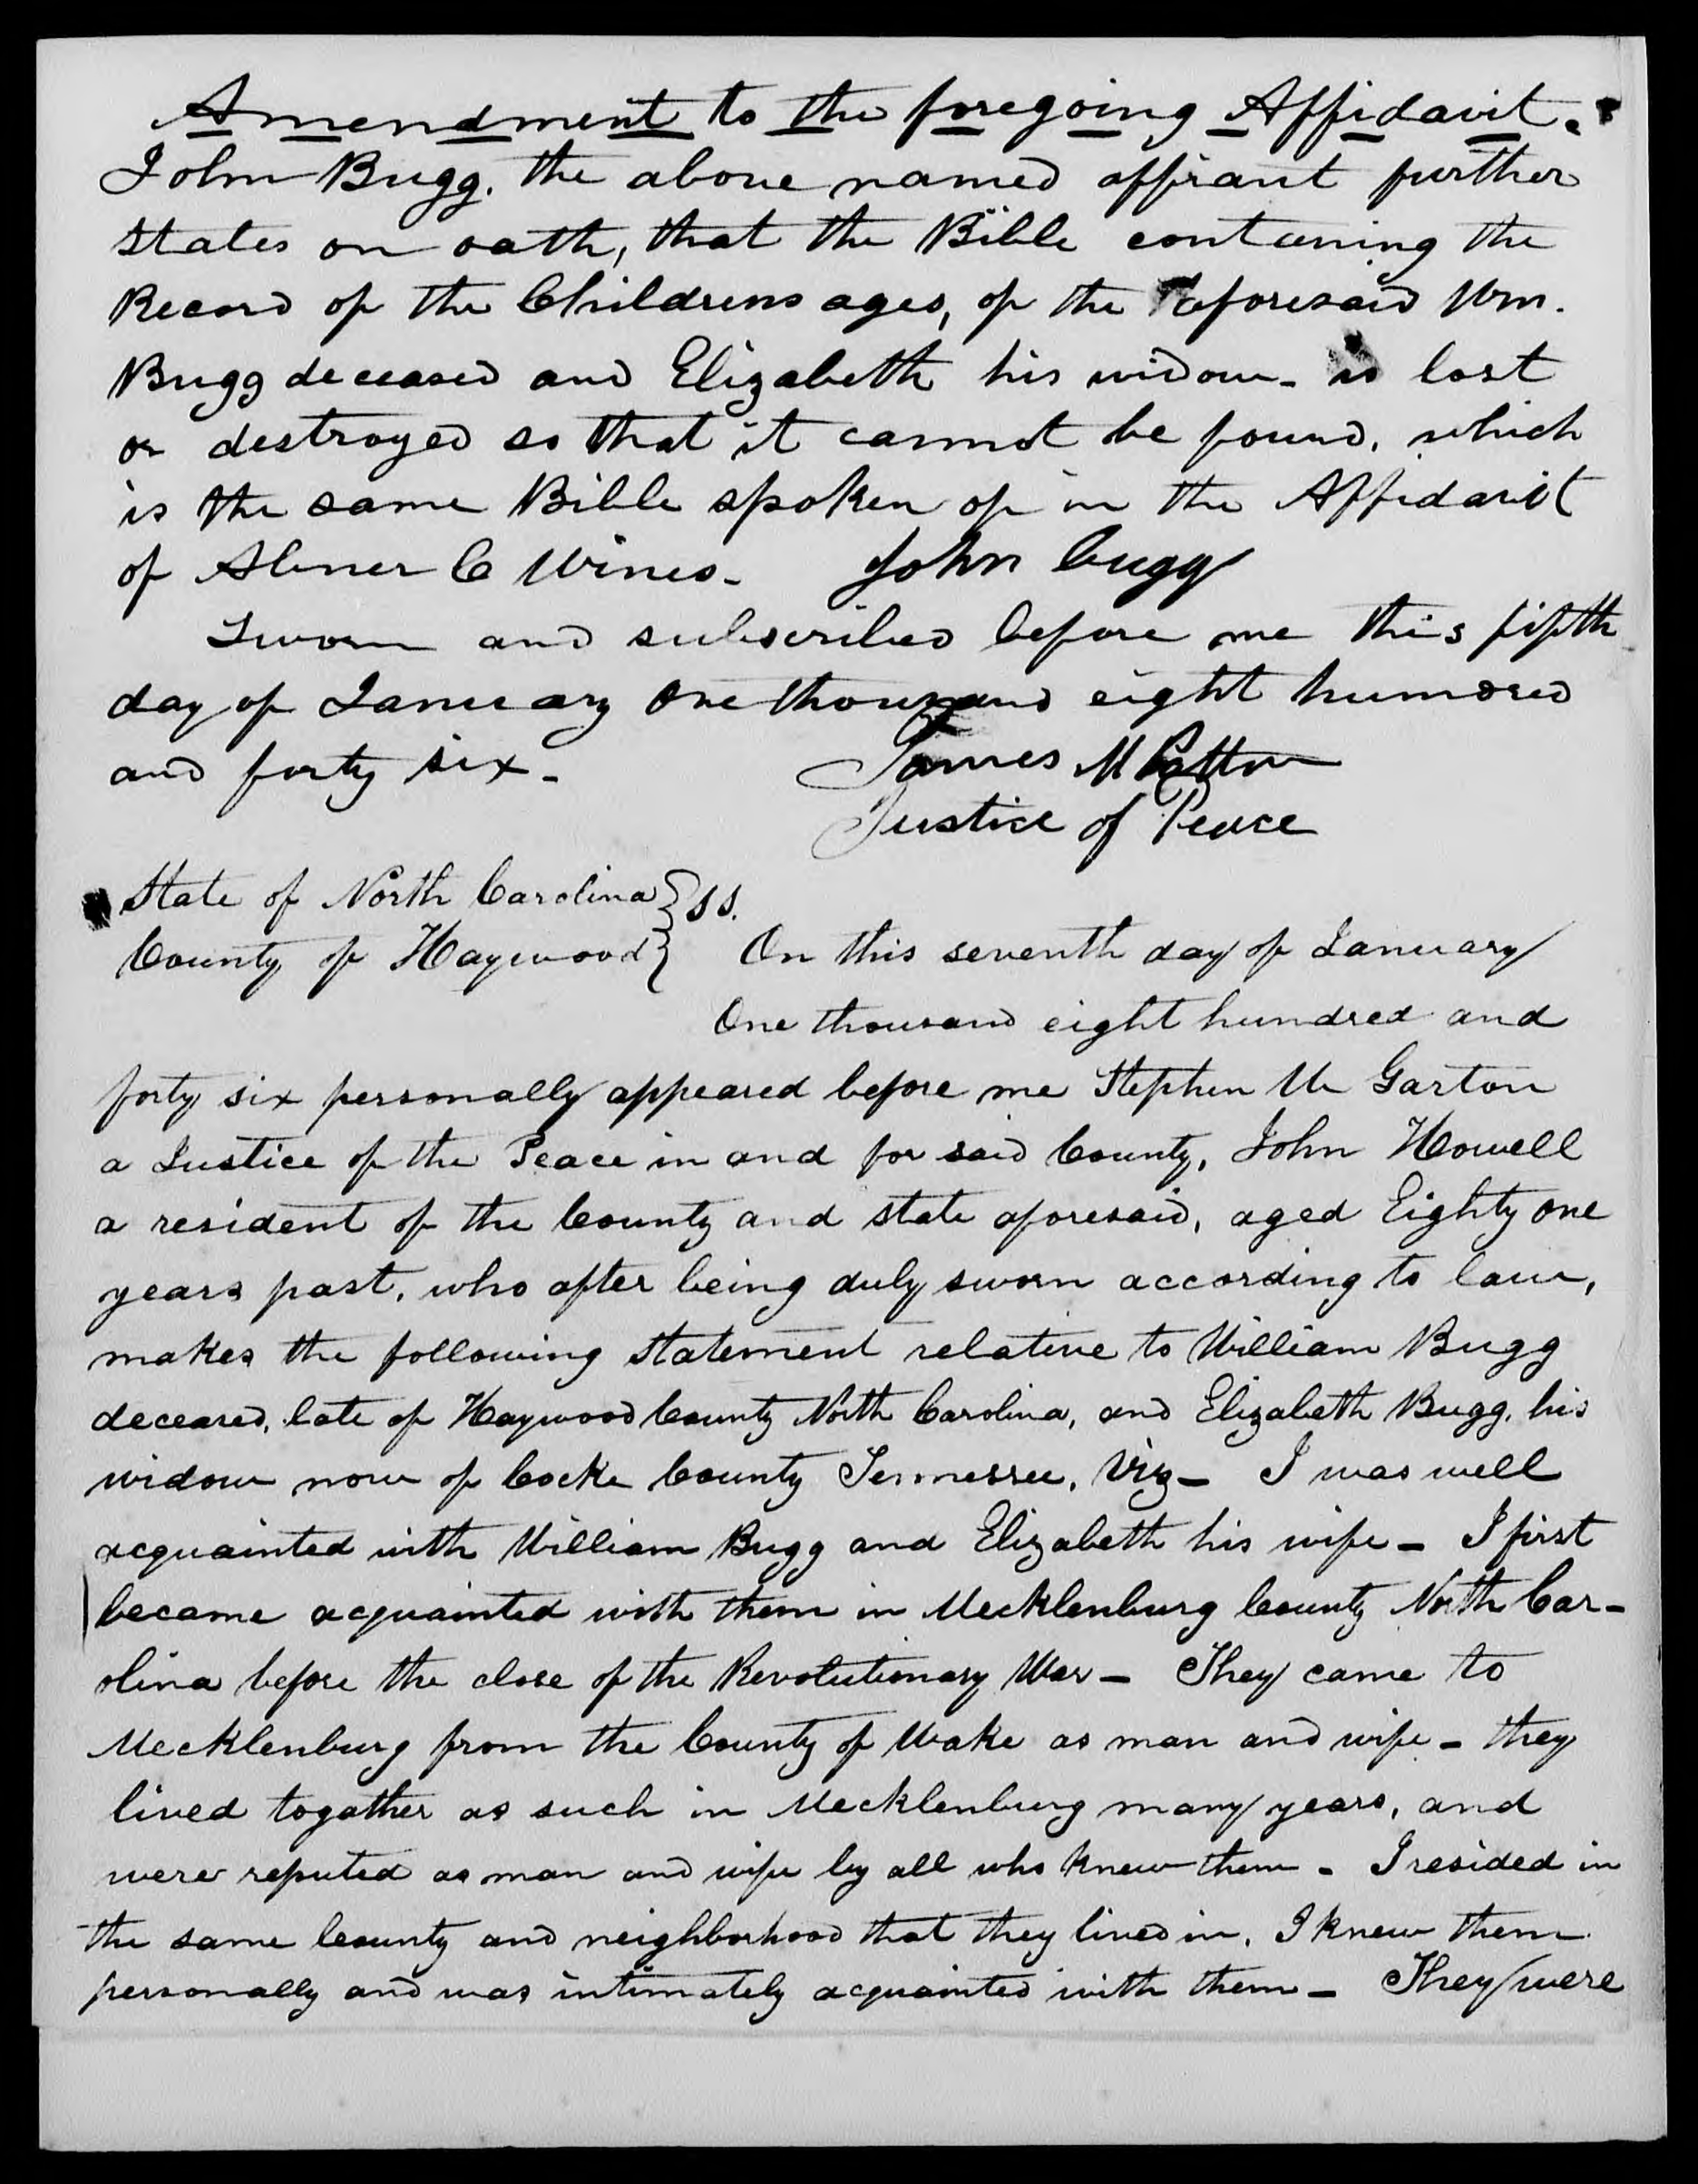[The next line is partially underlined.]  Amendment to the foregoing Affidavit.
John Bugg, the above named affiant further States on oath, that the Bible contaning the Record of the Childrens ages, of the aforesaid Wm. Bugg deceased and Elizabeth his widow. is lost or destroyed so that it cannot be found, which is the same Bible spoken of in the Affidavit of Abner C. Wines [or Vines.]  [Here follows a signature in a different handwriting, and in darker ink.]  John bugg

Sworn and subscribed before me this fifth day of January one thousand eight hundred and forty six.  James M Patton  Justice of Peace

[In lighter ink]  State of North Carolina
County of Haywood} SS.  On this seventh day of January One thousand eight hundred and forty six personally appeared before me Stephen [the next initial could be read as either U or M] Garton  a Justice of the Peace in and for said County, John Howell a resident of the County and state aforesaid, aged Eighty one years past, who after being duly sworn according to law, makes the following Statement relative to William Bugg deceased, late of Haywood County North Carolina, and Elizabeth Bugg, his widow, now of Cocke County Tennessee, viz -

I was well acquainted with William Bugg and Elizabeth his wife - I first became acquainted with them in Mecklenburg County North Carolina before the close of the Revolutionary War - They came to Mecklenburg from the County of Wake as man and wife - they lived together as such in Mecklenburg many years, and were reputed as man and wife by all who knew them.  I resided in the same County and neighborhood that they lived in.  I knew them personally and was intimately acquainted with them- They were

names: James M Patton, Wm Bugg, John Howell, Elizabeth Bugg, Abner C Wines, Stephen W Garton, Elizabeth, John Bugg, William Bugg, Elizabeth, William Bugg, John Bugg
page: 12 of 50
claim: widow's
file: W. 898, William Bugg, N.C.